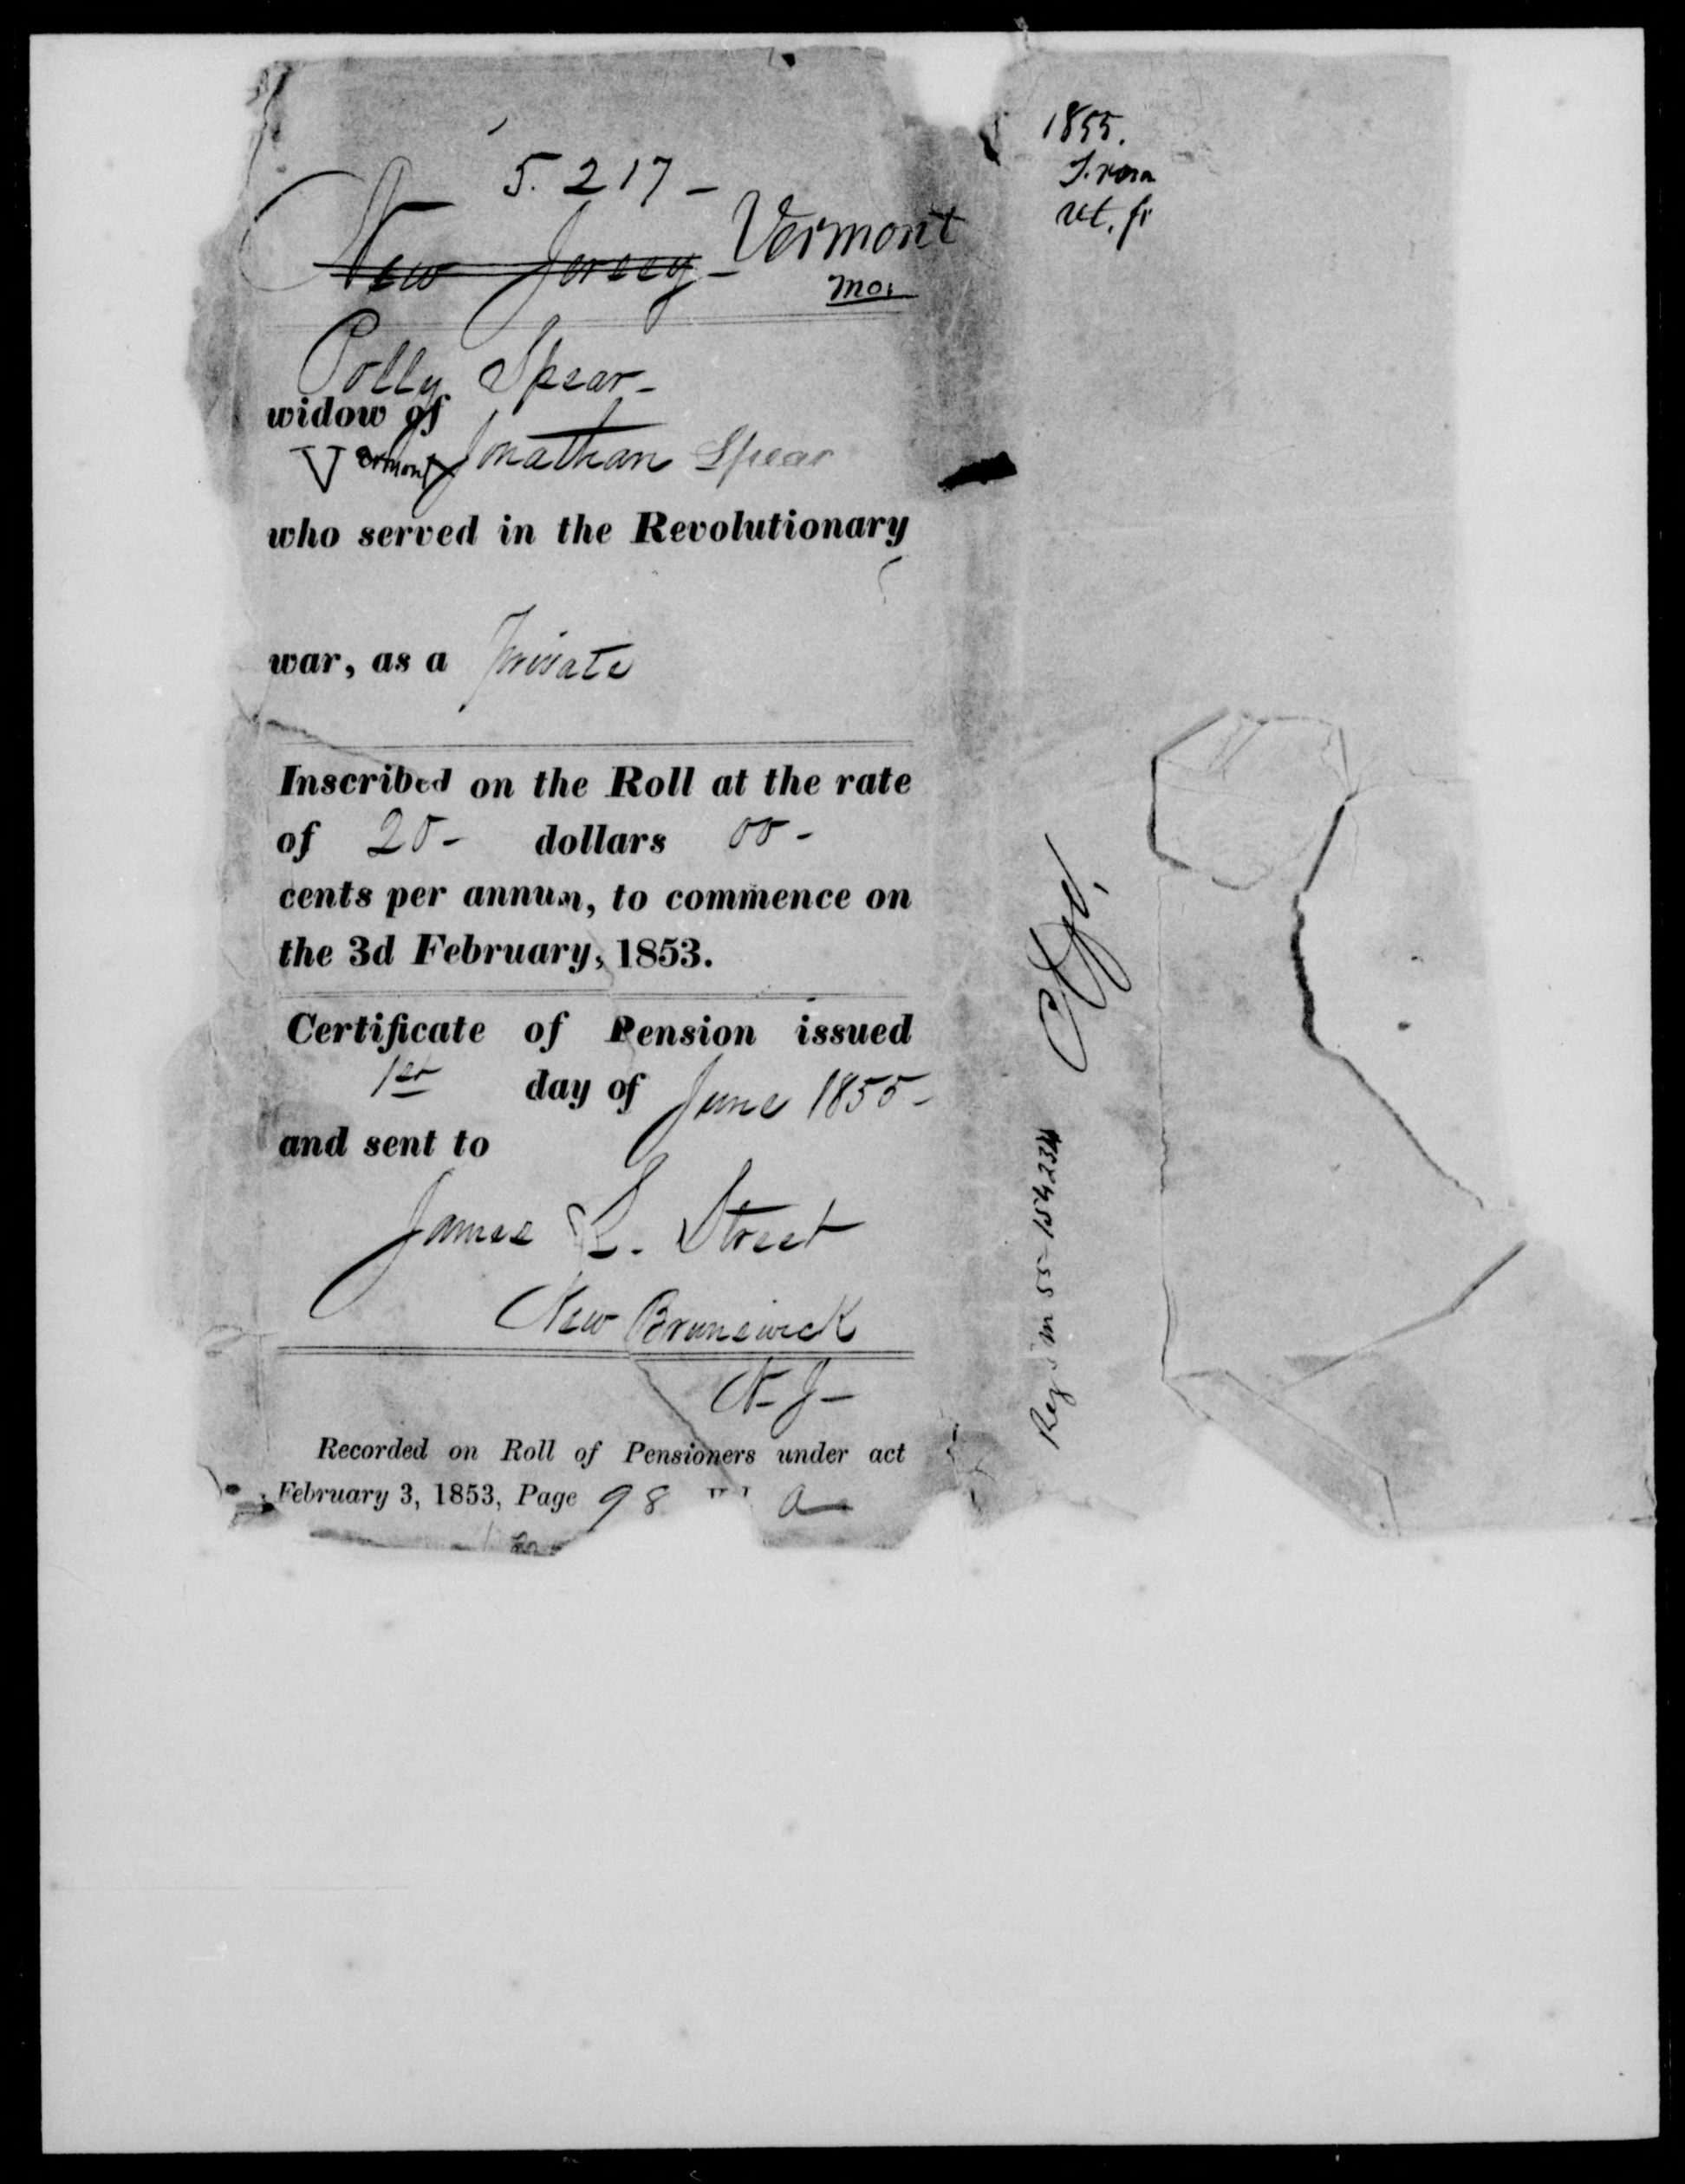5.217
New Jersey
Vermont Mo:
Polly Spear widow of Vermont Jonathan Spear who served in the Revolutionary war as a private
nscribed on the Roll at the rate
of
20 -
dollars 00
cents per annum, to commence on
the 3d February, 1853.
Certificate of Pension issued
1st day of June 1855
James L Street New Brunswick NJ
Recorded on Roll of Pensioners under act
February 3, 1853, Page 98 Vol A
1855 J Spear ret. fr
Reg's m 55-154234 [ ]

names: Jonathan Spear; James L Street; Polly Spear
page: 5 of 65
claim: widow's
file: W. 7197, for Jonathan Spear, Vermont